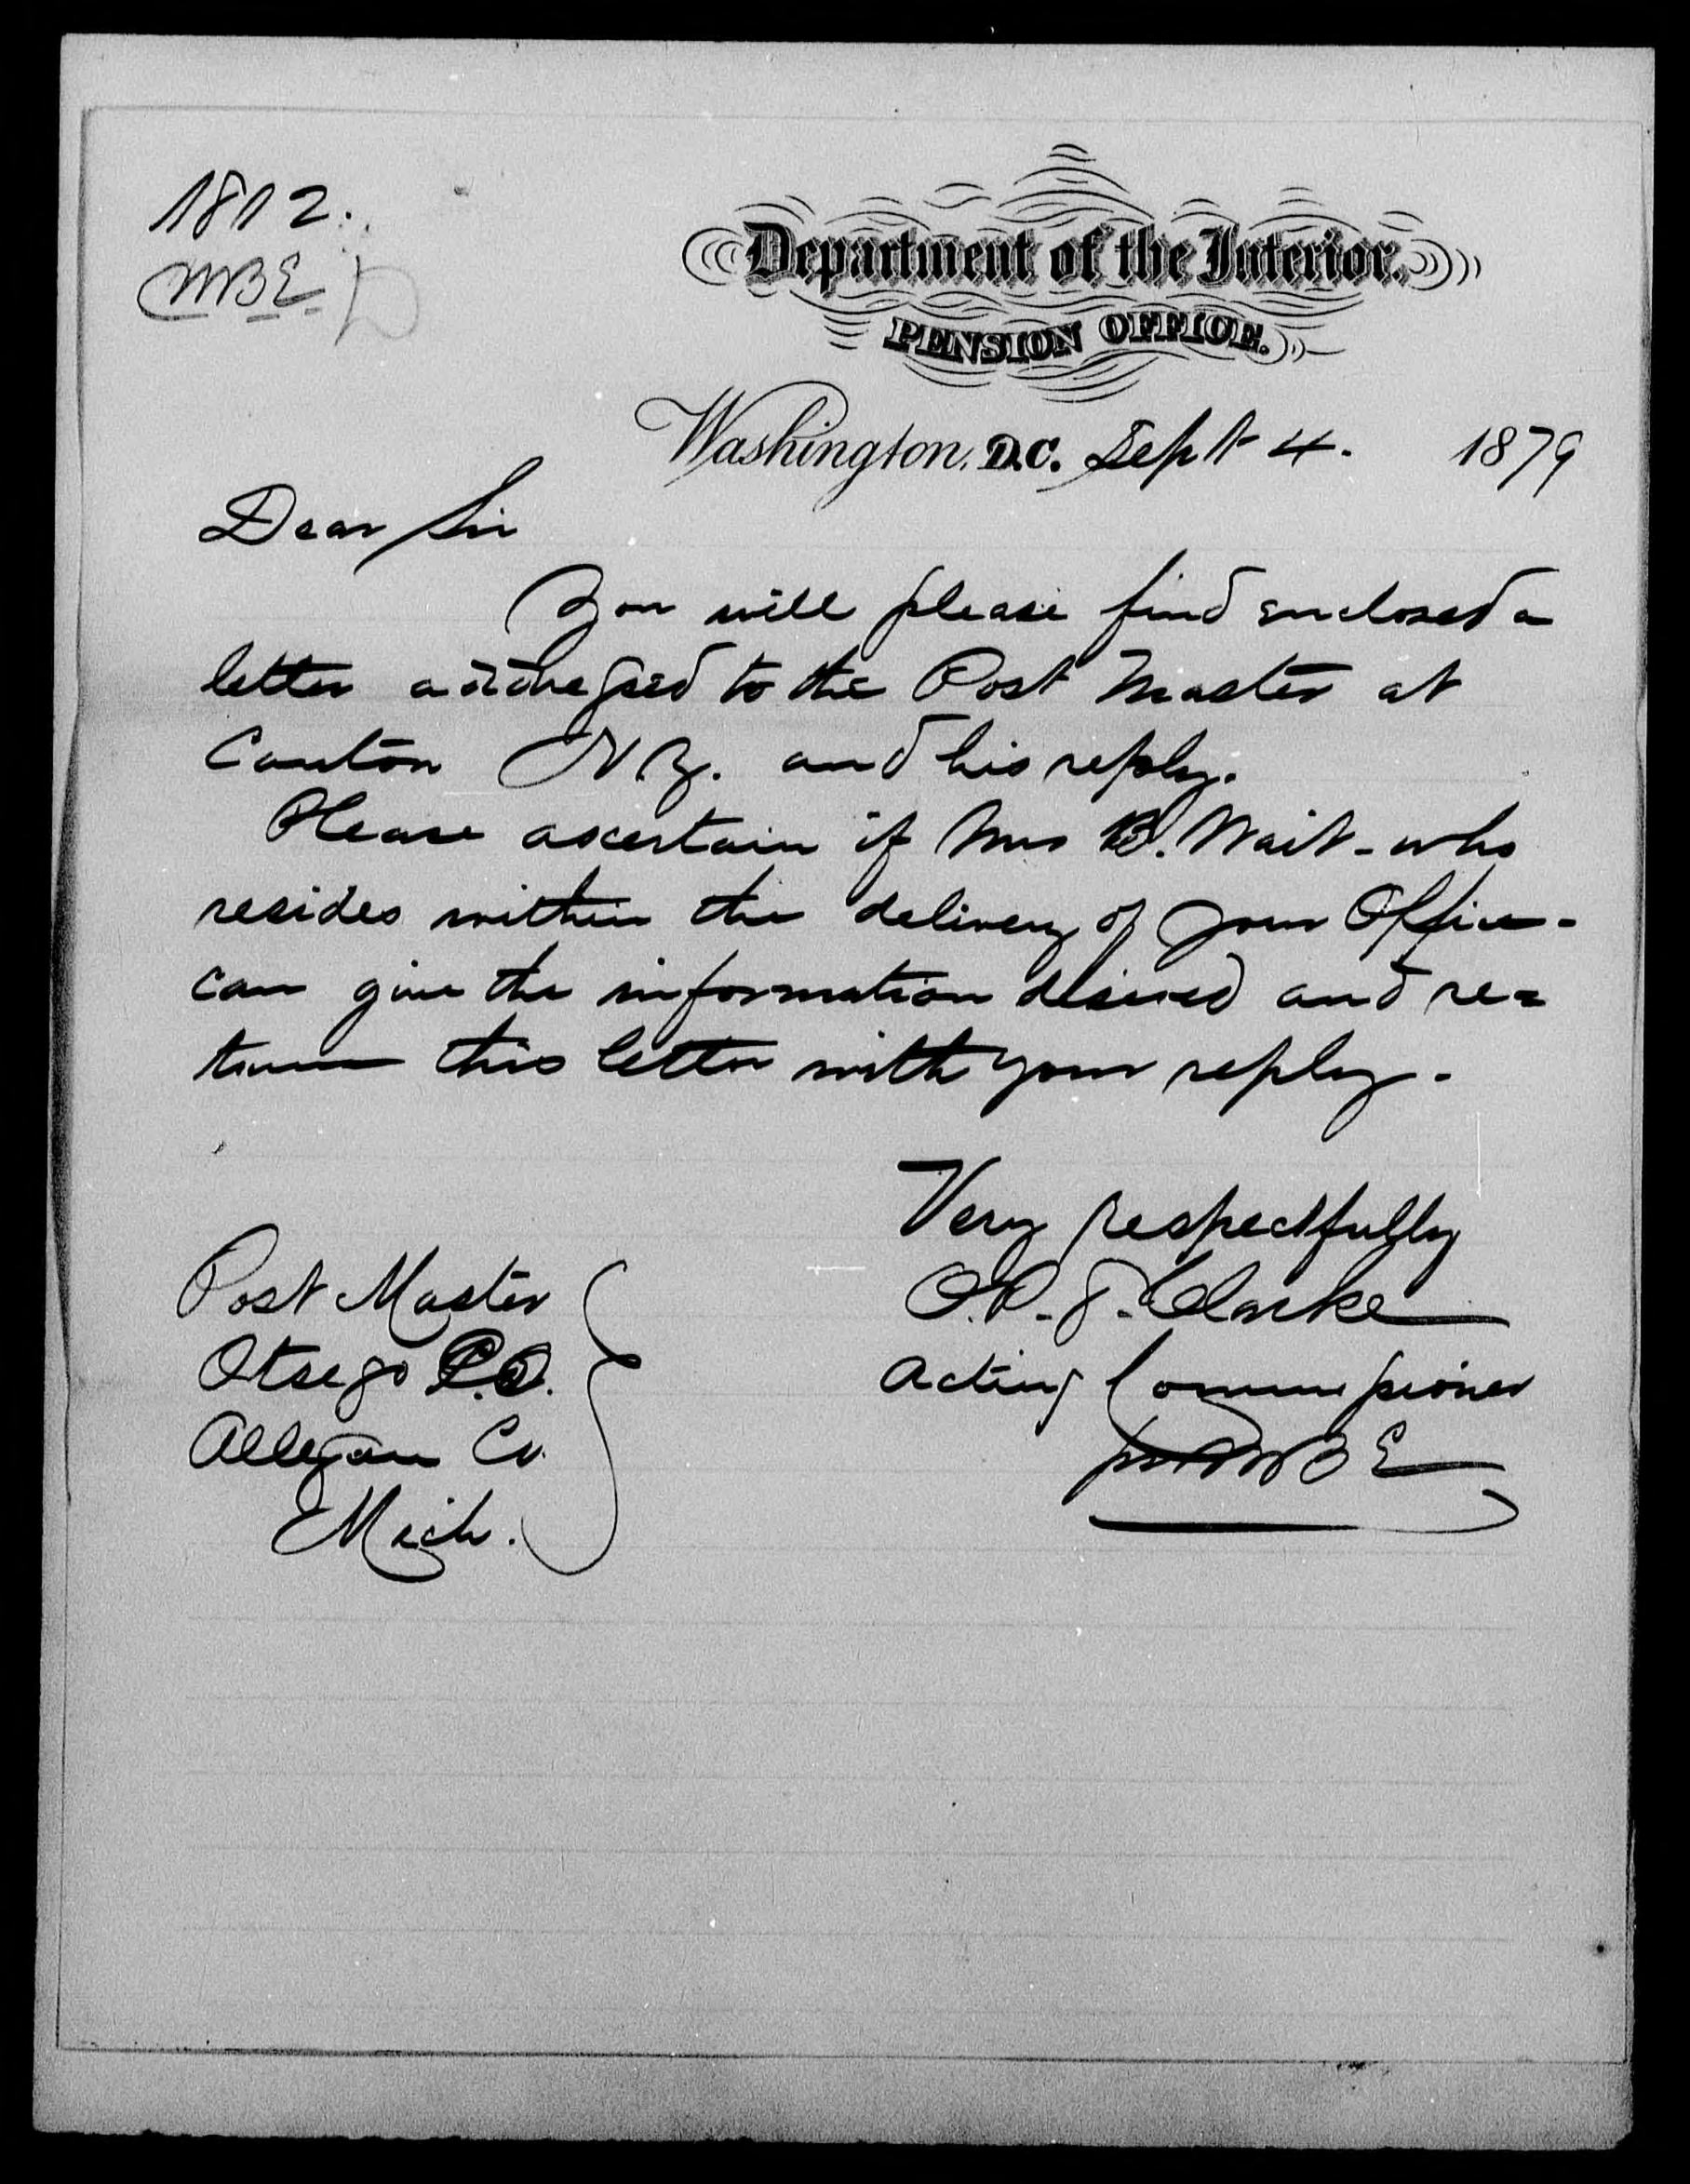1812
WBE                                    Department of the Interior
                                             PENSION OFFICE.

Washington, D.C.   Sept 4, 1879

Dear Sir
You will please find enclosed letter addressed to the Post Master at Canton N.Y. and his reply.
Please ascertain if Mrs B. Wait who resides within the delivery of your office can give the information desired and I return this letter with our reply.

Very respectfully
O.P. S Clarke
Acting Commissioner
MBE

Post Master
Otsego Co.
Allegany Co
Mich.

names: O P S Clarke, B Wait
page: 28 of 79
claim: widow's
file: W. 23754, Justus Byington, Conn.